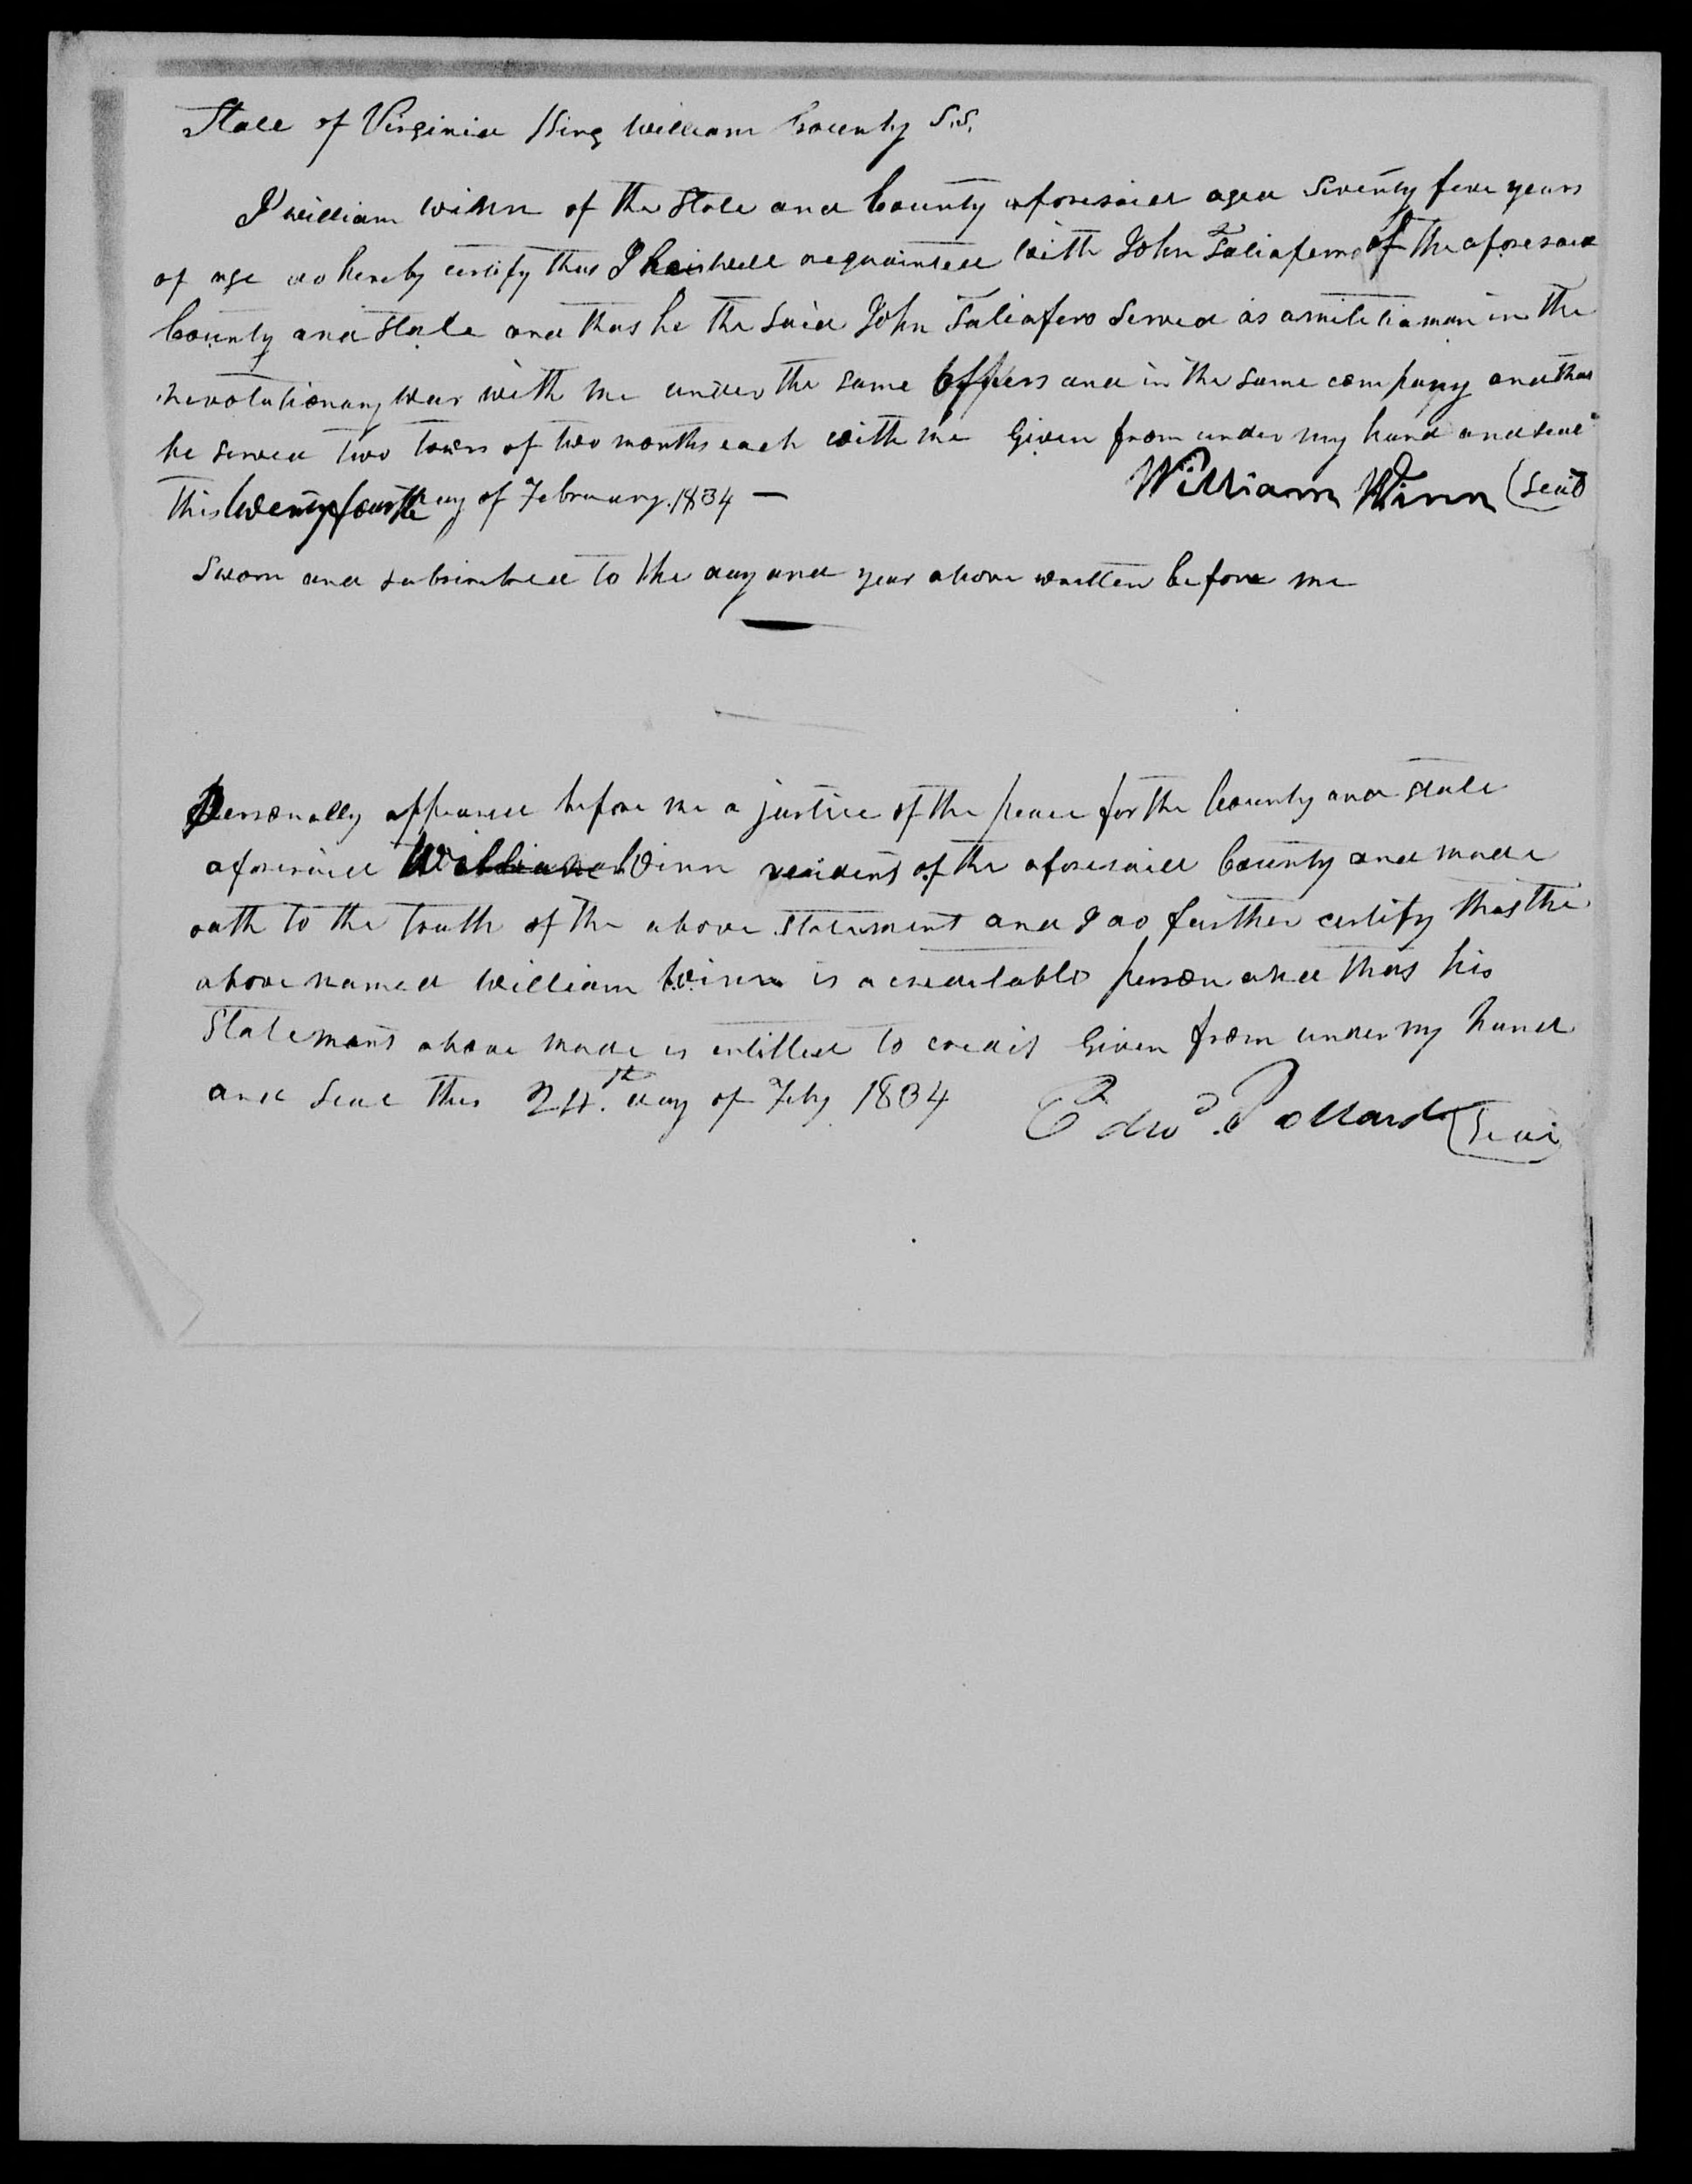State of Virginia King William County S.S.

I William Winn of the State and County aforesaid aged seventy five years of age do  hereby certify that I am well acquainted with John Taliaferro of the aforesaid County and state and that he the said John Taliafero served as a militiaman in the revolutionary war with me under the same officers and in the same company and that he served two tours of two months each with me. Given from under my hand and seal this twenty fourth day of February 1834
William Winn {seal}
Sworn and subscribed to the day and year above written before me. 

Personally appeared before me a justice of the peace for the County and state aforesaid William Winn resident of the aforesaid County and made oath to the truth of the above statement and I do further certify that the above named William Winn is a creditable person and that his statement above made is entitled to credit. Given from under my hand and seal this 24th day of Feby 1834.
Edwd Pollard {seal}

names: John Taliaferro; Edwd Pollard; William Winn; William Winn; John Taliafero; William Winn; William Winn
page: 16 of 34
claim: survivor's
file: S. 19483, for John Taliaferro, Virginia